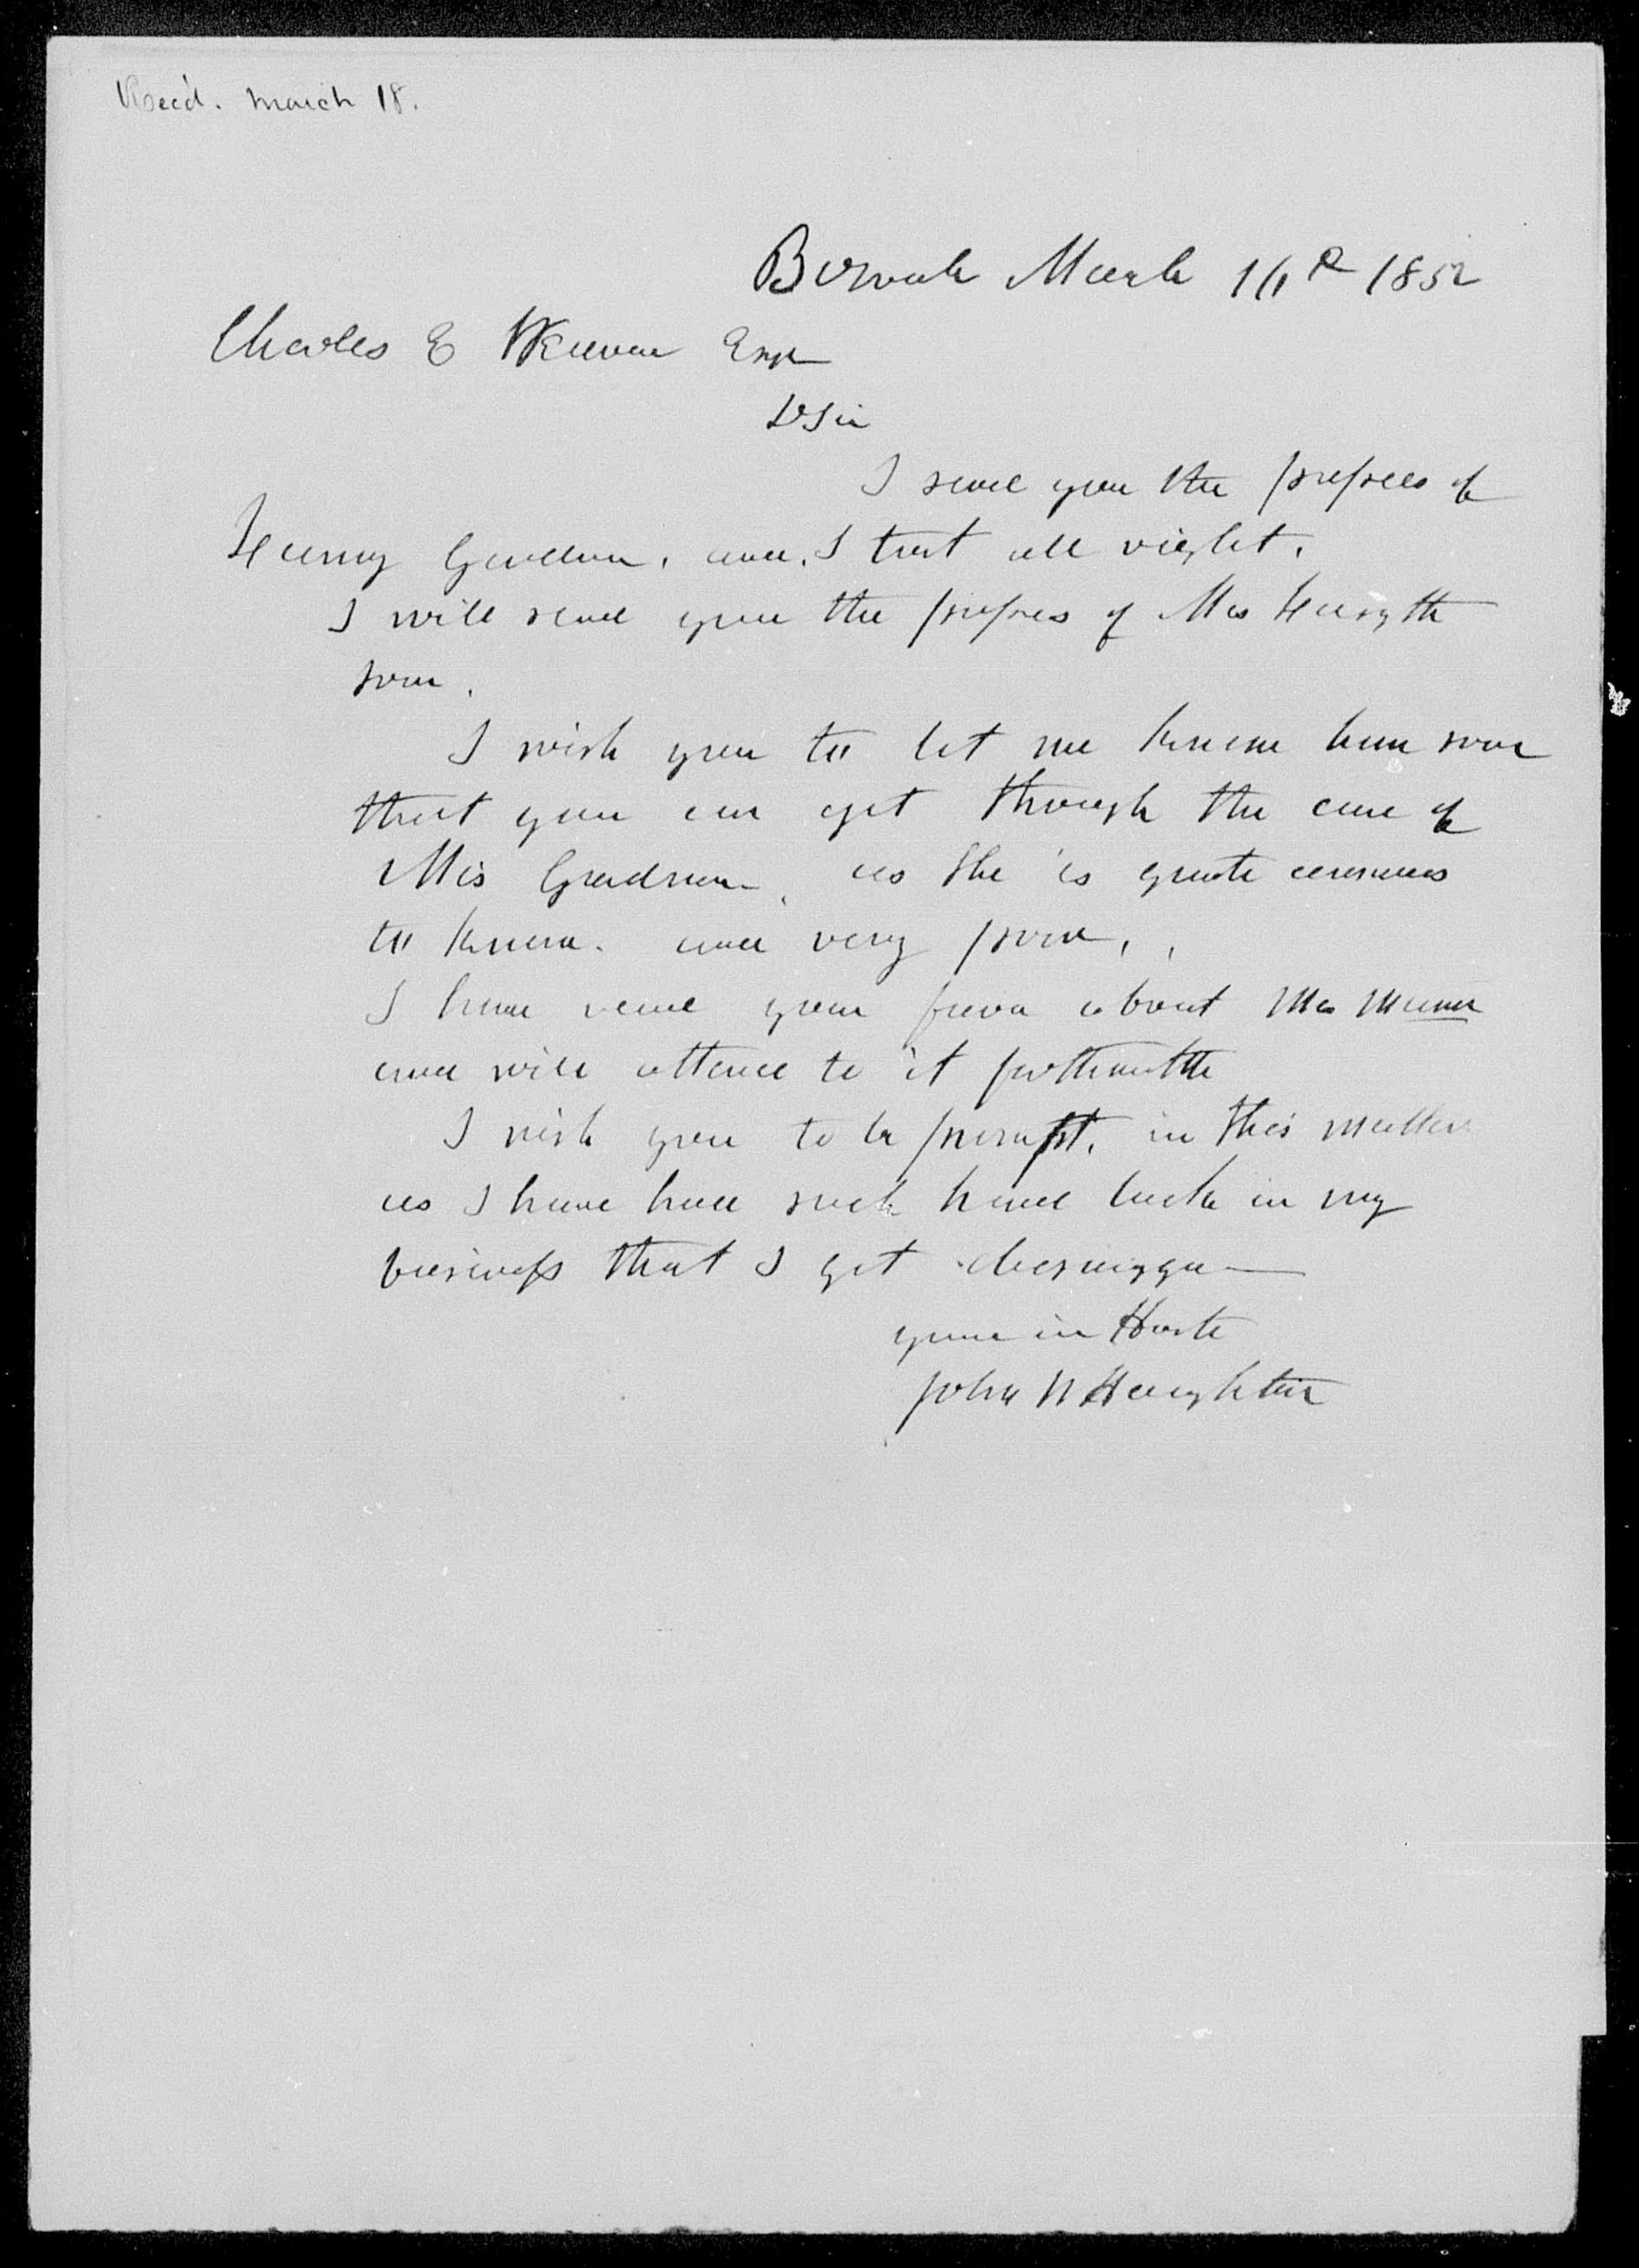Rec'd, March 18,

Bozrah March 16th 1852
Charles E Weaver Esq

D Sir
I send you the papers of Fanny Gardner, and I trust all right.
I will send you the papers of Mrs Forsyth soon.
I wish you to let me know how soon that you can get through the case of Mrs Gardner as she is quite curious to know and very proud.
I have recd your favor about Mrs. Munn and will attend to it forthwith.
I wish you to be prompt in this matter as I have had such hard luck in my business that I get discouraged.
Yours in Health,
John W. Houghton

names: Forsyth, Charles E Weavers, Fanny Gardner, John W Houghton, Gardner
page: 57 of 66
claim: widow's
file: W 1850, David Gardner, Conn.